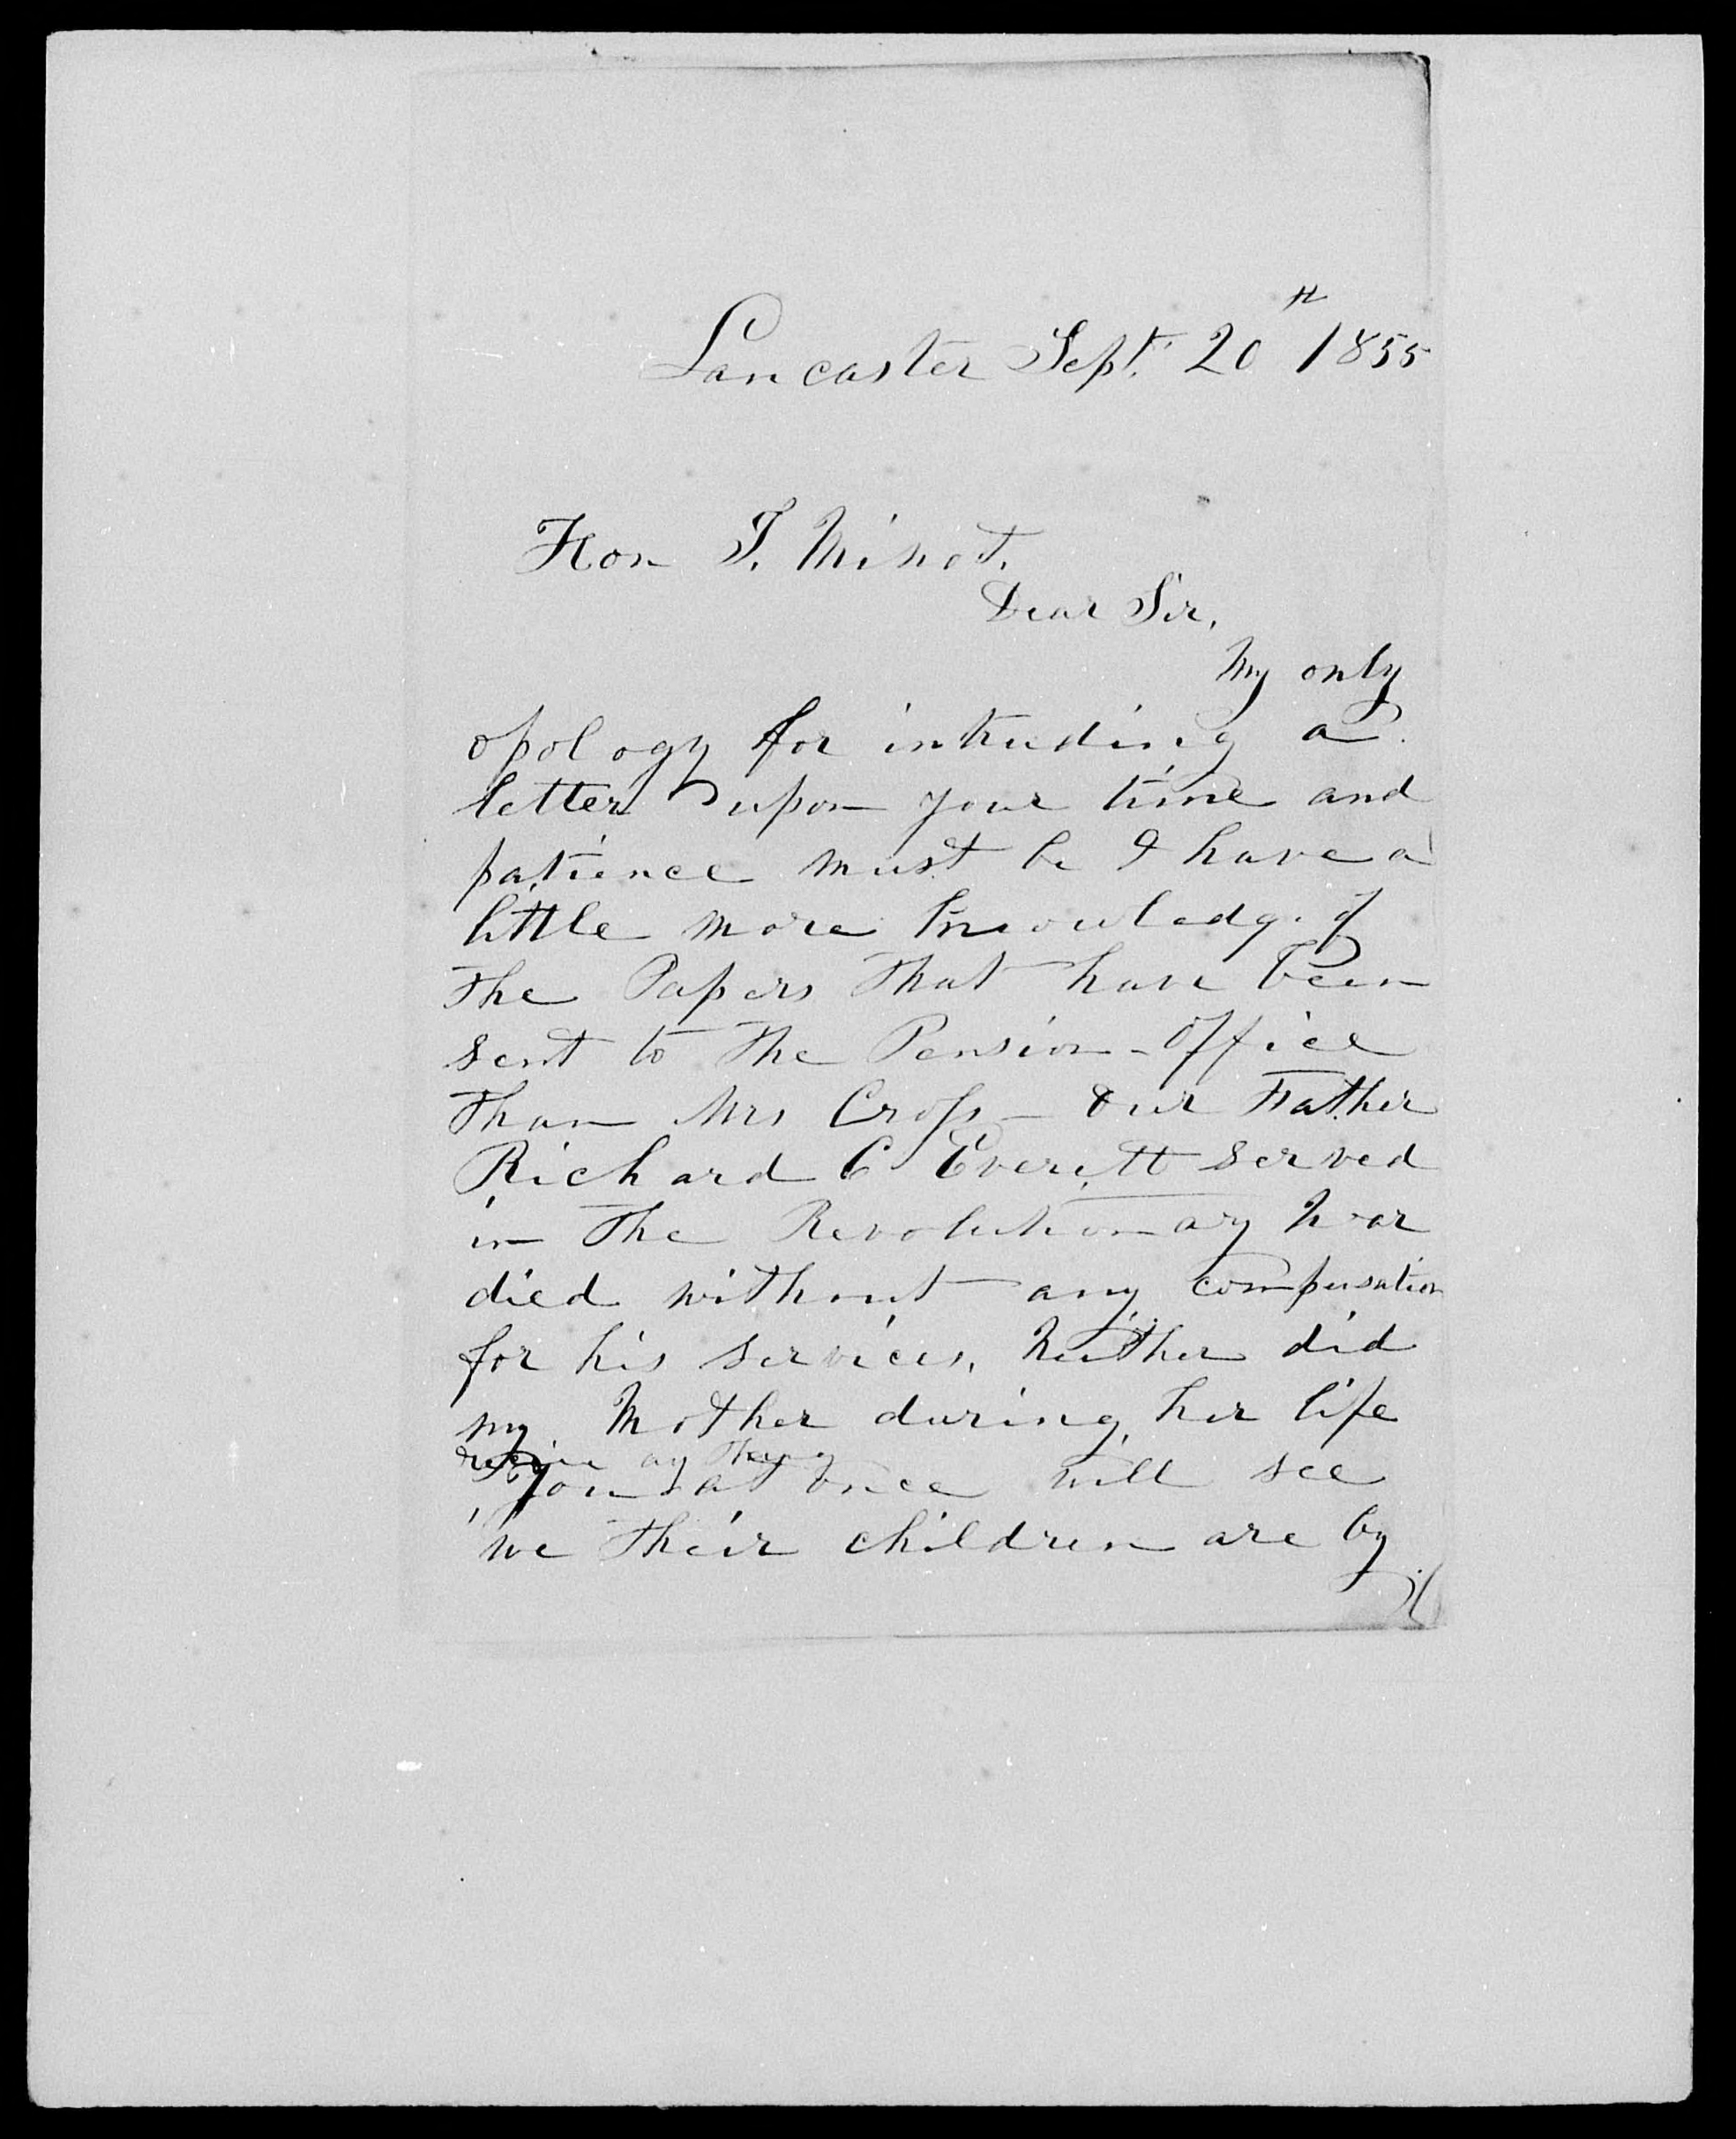Lancaster Sept 20th 1855

Hon J. Minot.
Dear Sir.
My only apology for intruding a letter upon your time and patience must be I have a little more knowledge of
the papers that have been sent to the Pension Office
than Mrs Cross-- our Father Richard C Everitt served
in the Revolutionary War   died without any compensation
for his services, neither did my Mother during her life
receive anything   You at once will see we their children are
by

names: Richard C Everett, Cross, J Minot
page: 35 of 59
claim: widow's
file: W. 23017, Richard Clair Everett, Mass.